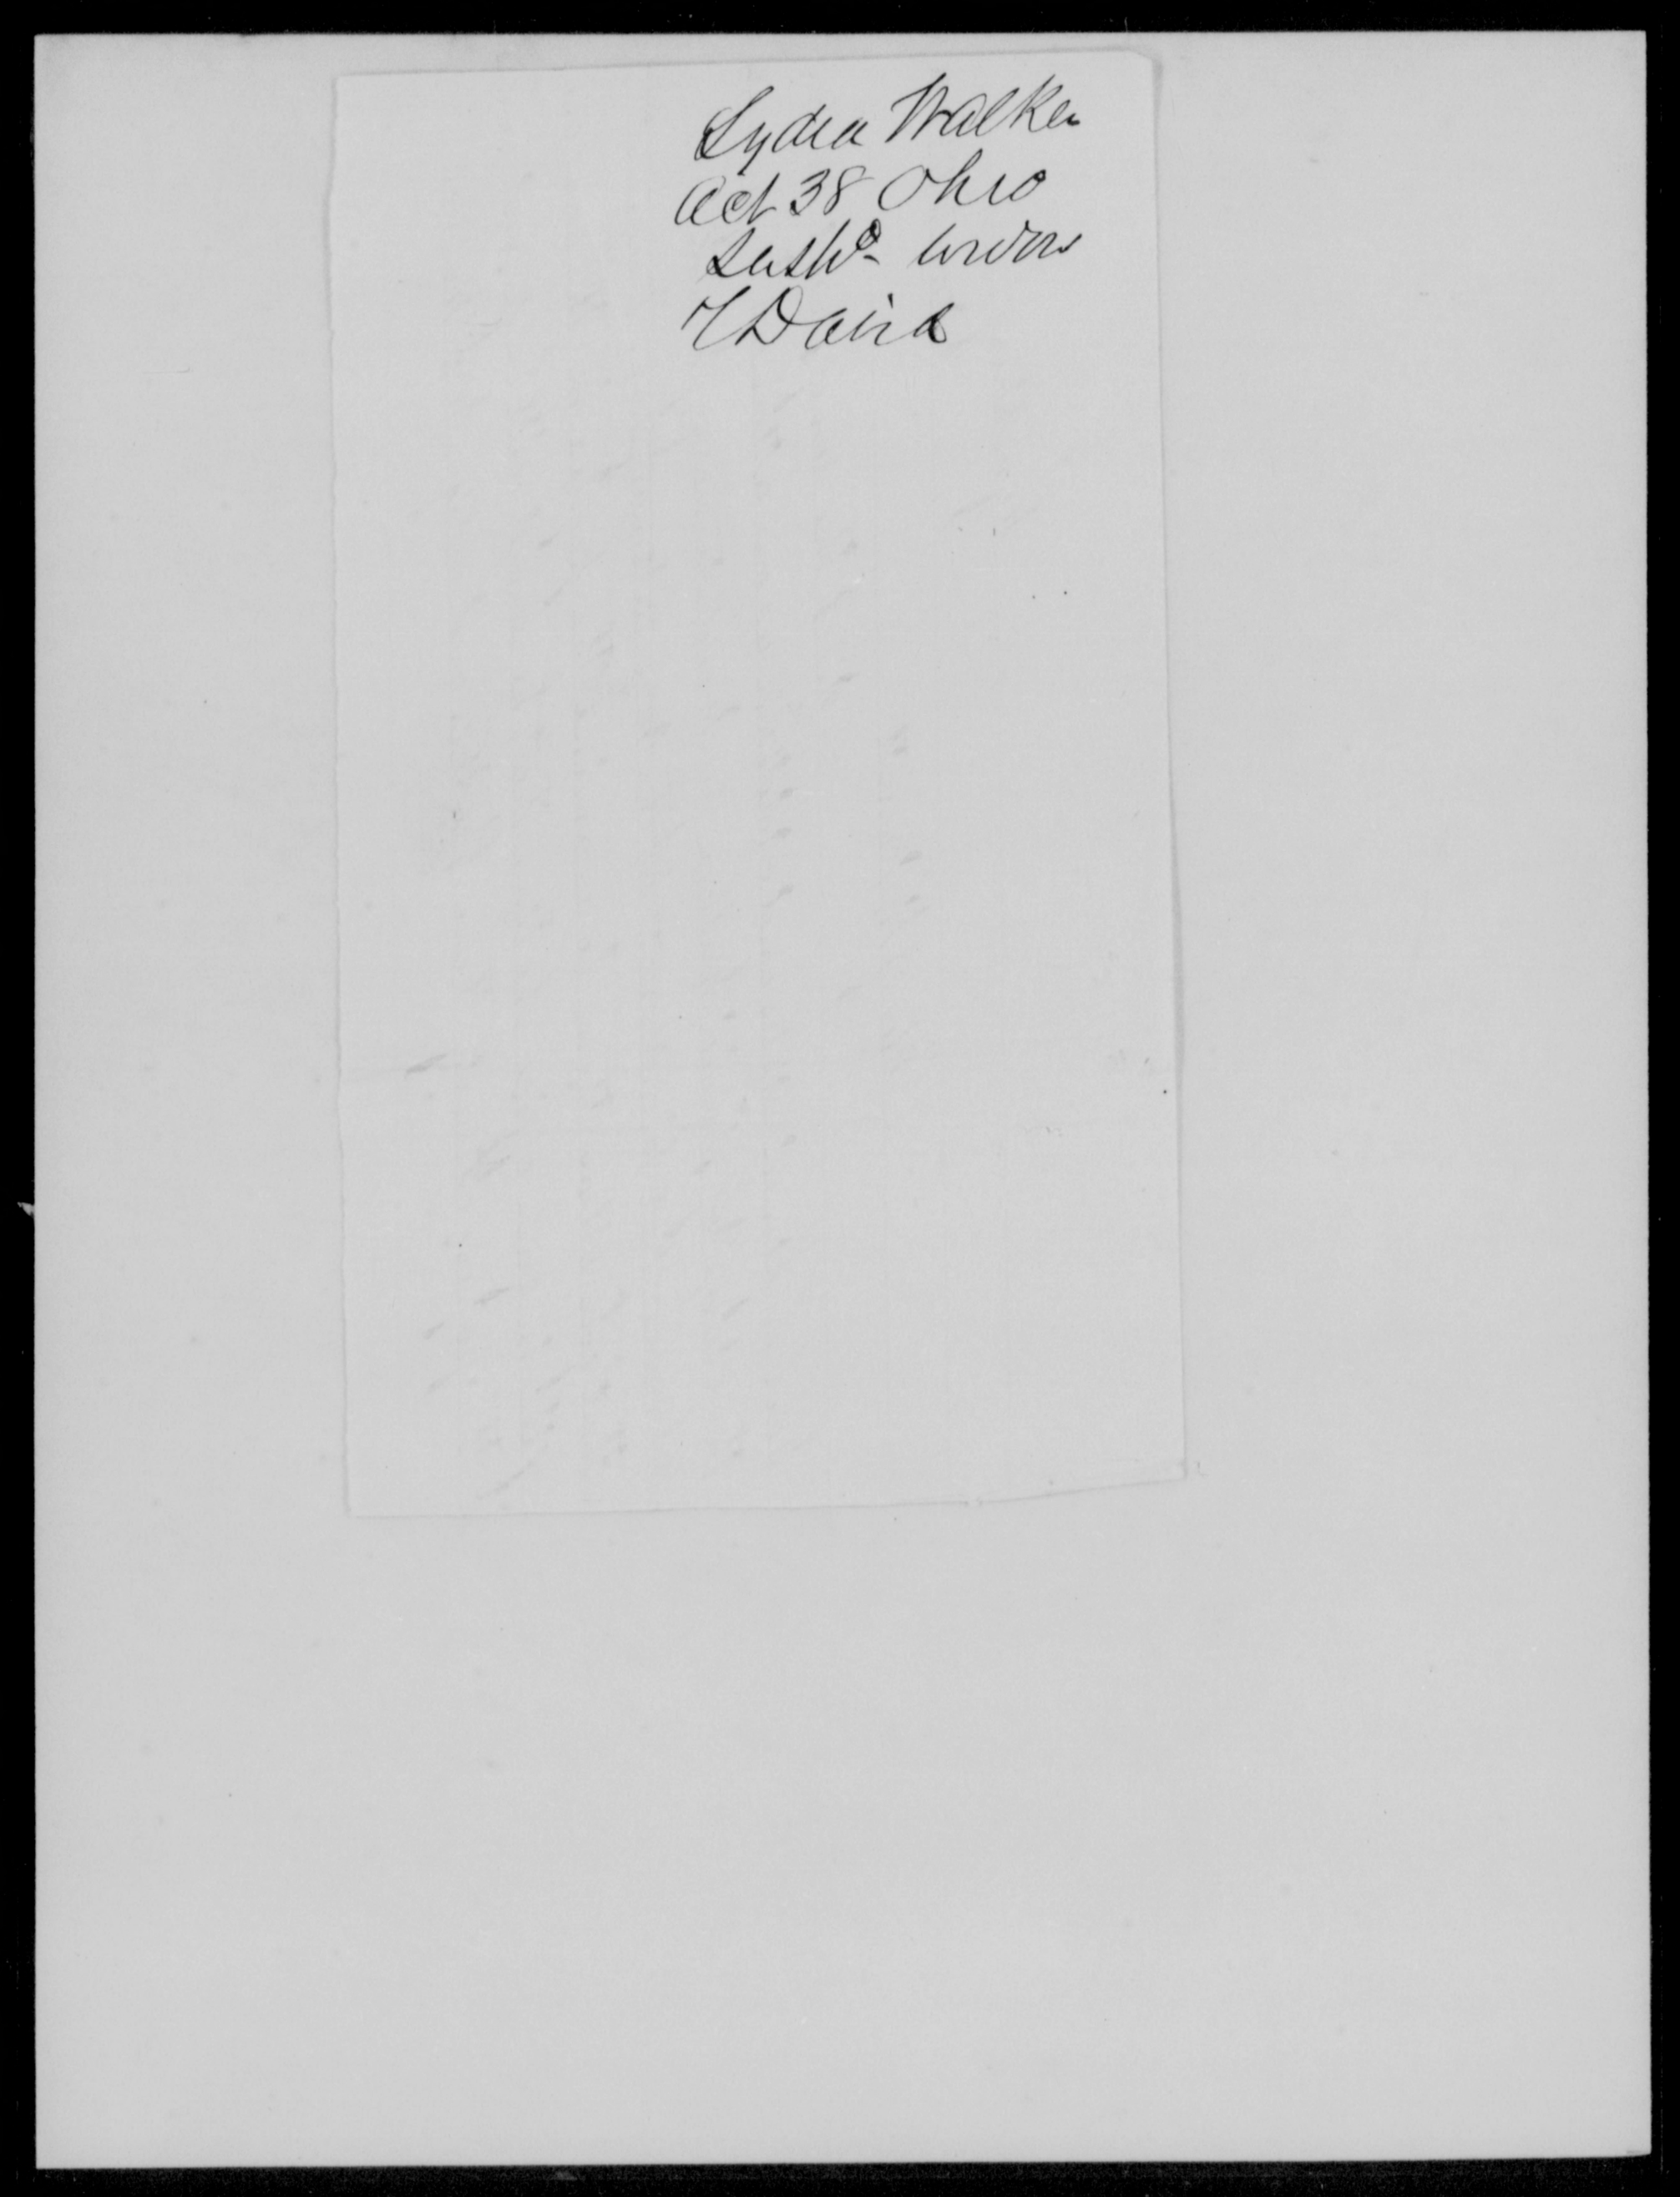Lydia Walker
Act 38 Ohio
[Illegible], Widow of David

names: Lydia Walker, T Davis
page: 23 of 37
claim: rejected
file: R. 11047, David Walker, N.C.